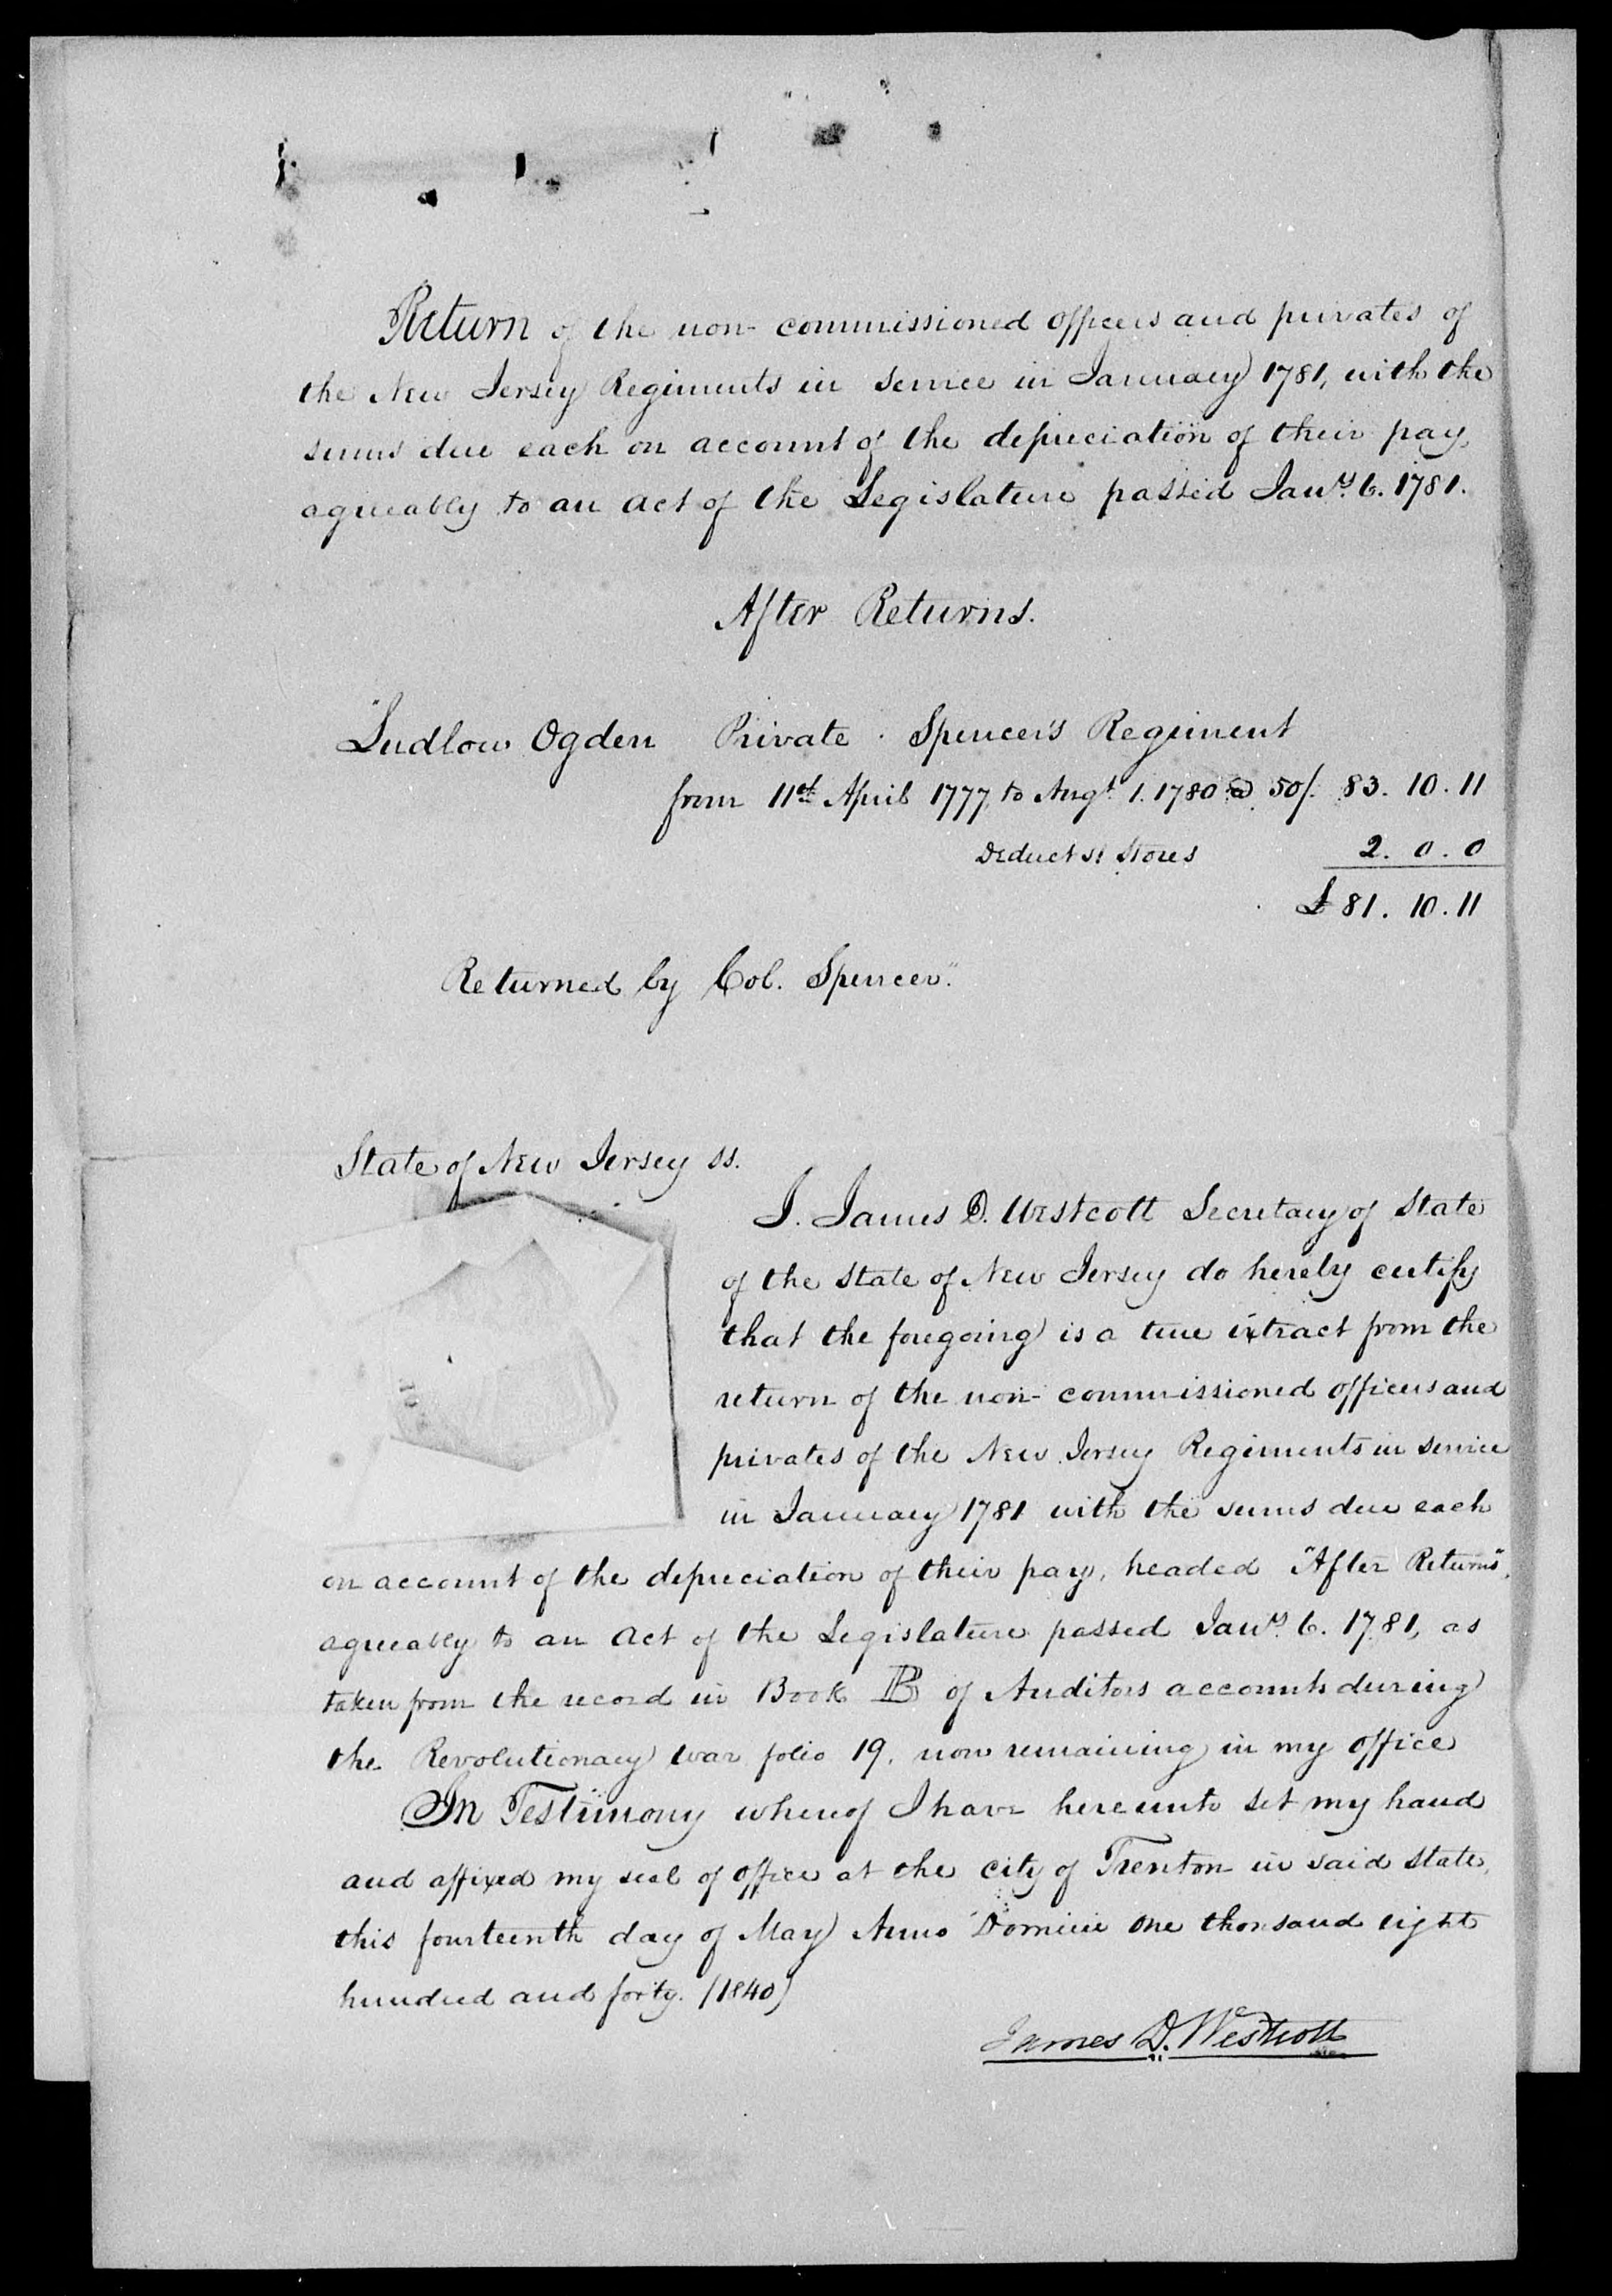Return of the non-commissioned officers and privates of the New Jersey Regiments in service in January 1781, with the sums due on each on account of the depreciation of their pay agreeably to an act of the Legislature passed Jany. 6. 1781.

           After Returns.

  Ludlow Ogden  Private  Spencer's Regiment
   from 11th April 1777 to Augt. 1. 1780 @ 50/ 83.10.11
   Deduct St Stores   2.0.0
   Pounds 81.10.11

Returned by Col. Spencer.

State of New Jersey SS.
[seal affixed]
  I James D. Westcott Secretary of State of the State of New Jersey do hereby certify that the foregoing is a true extract from the return of the non-commissioned officers and privates of the New Jersey Regiments in service in January 1781 with the sums due each on account of the depreciation of their pay, headed "After Returns", agreeably to an Act of the Legislature passed Jany. 6. 1781, as taken from the record in Book B of Auditors accounts during the Revolutionary War folio 19, now remaining in my office
   In Testimony whereof I have hereunto set my hand and affixed my seal of office at the city of Trenton in said State this fourteenth day of May Anus Domini one thousand eight hundred and forty. (1840)
   James D. Westcott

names: James D Westcott; Ludlow Ogden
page: 6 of 25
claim: widow's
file: W. 187, for Ludlow Ogden, New Jersey